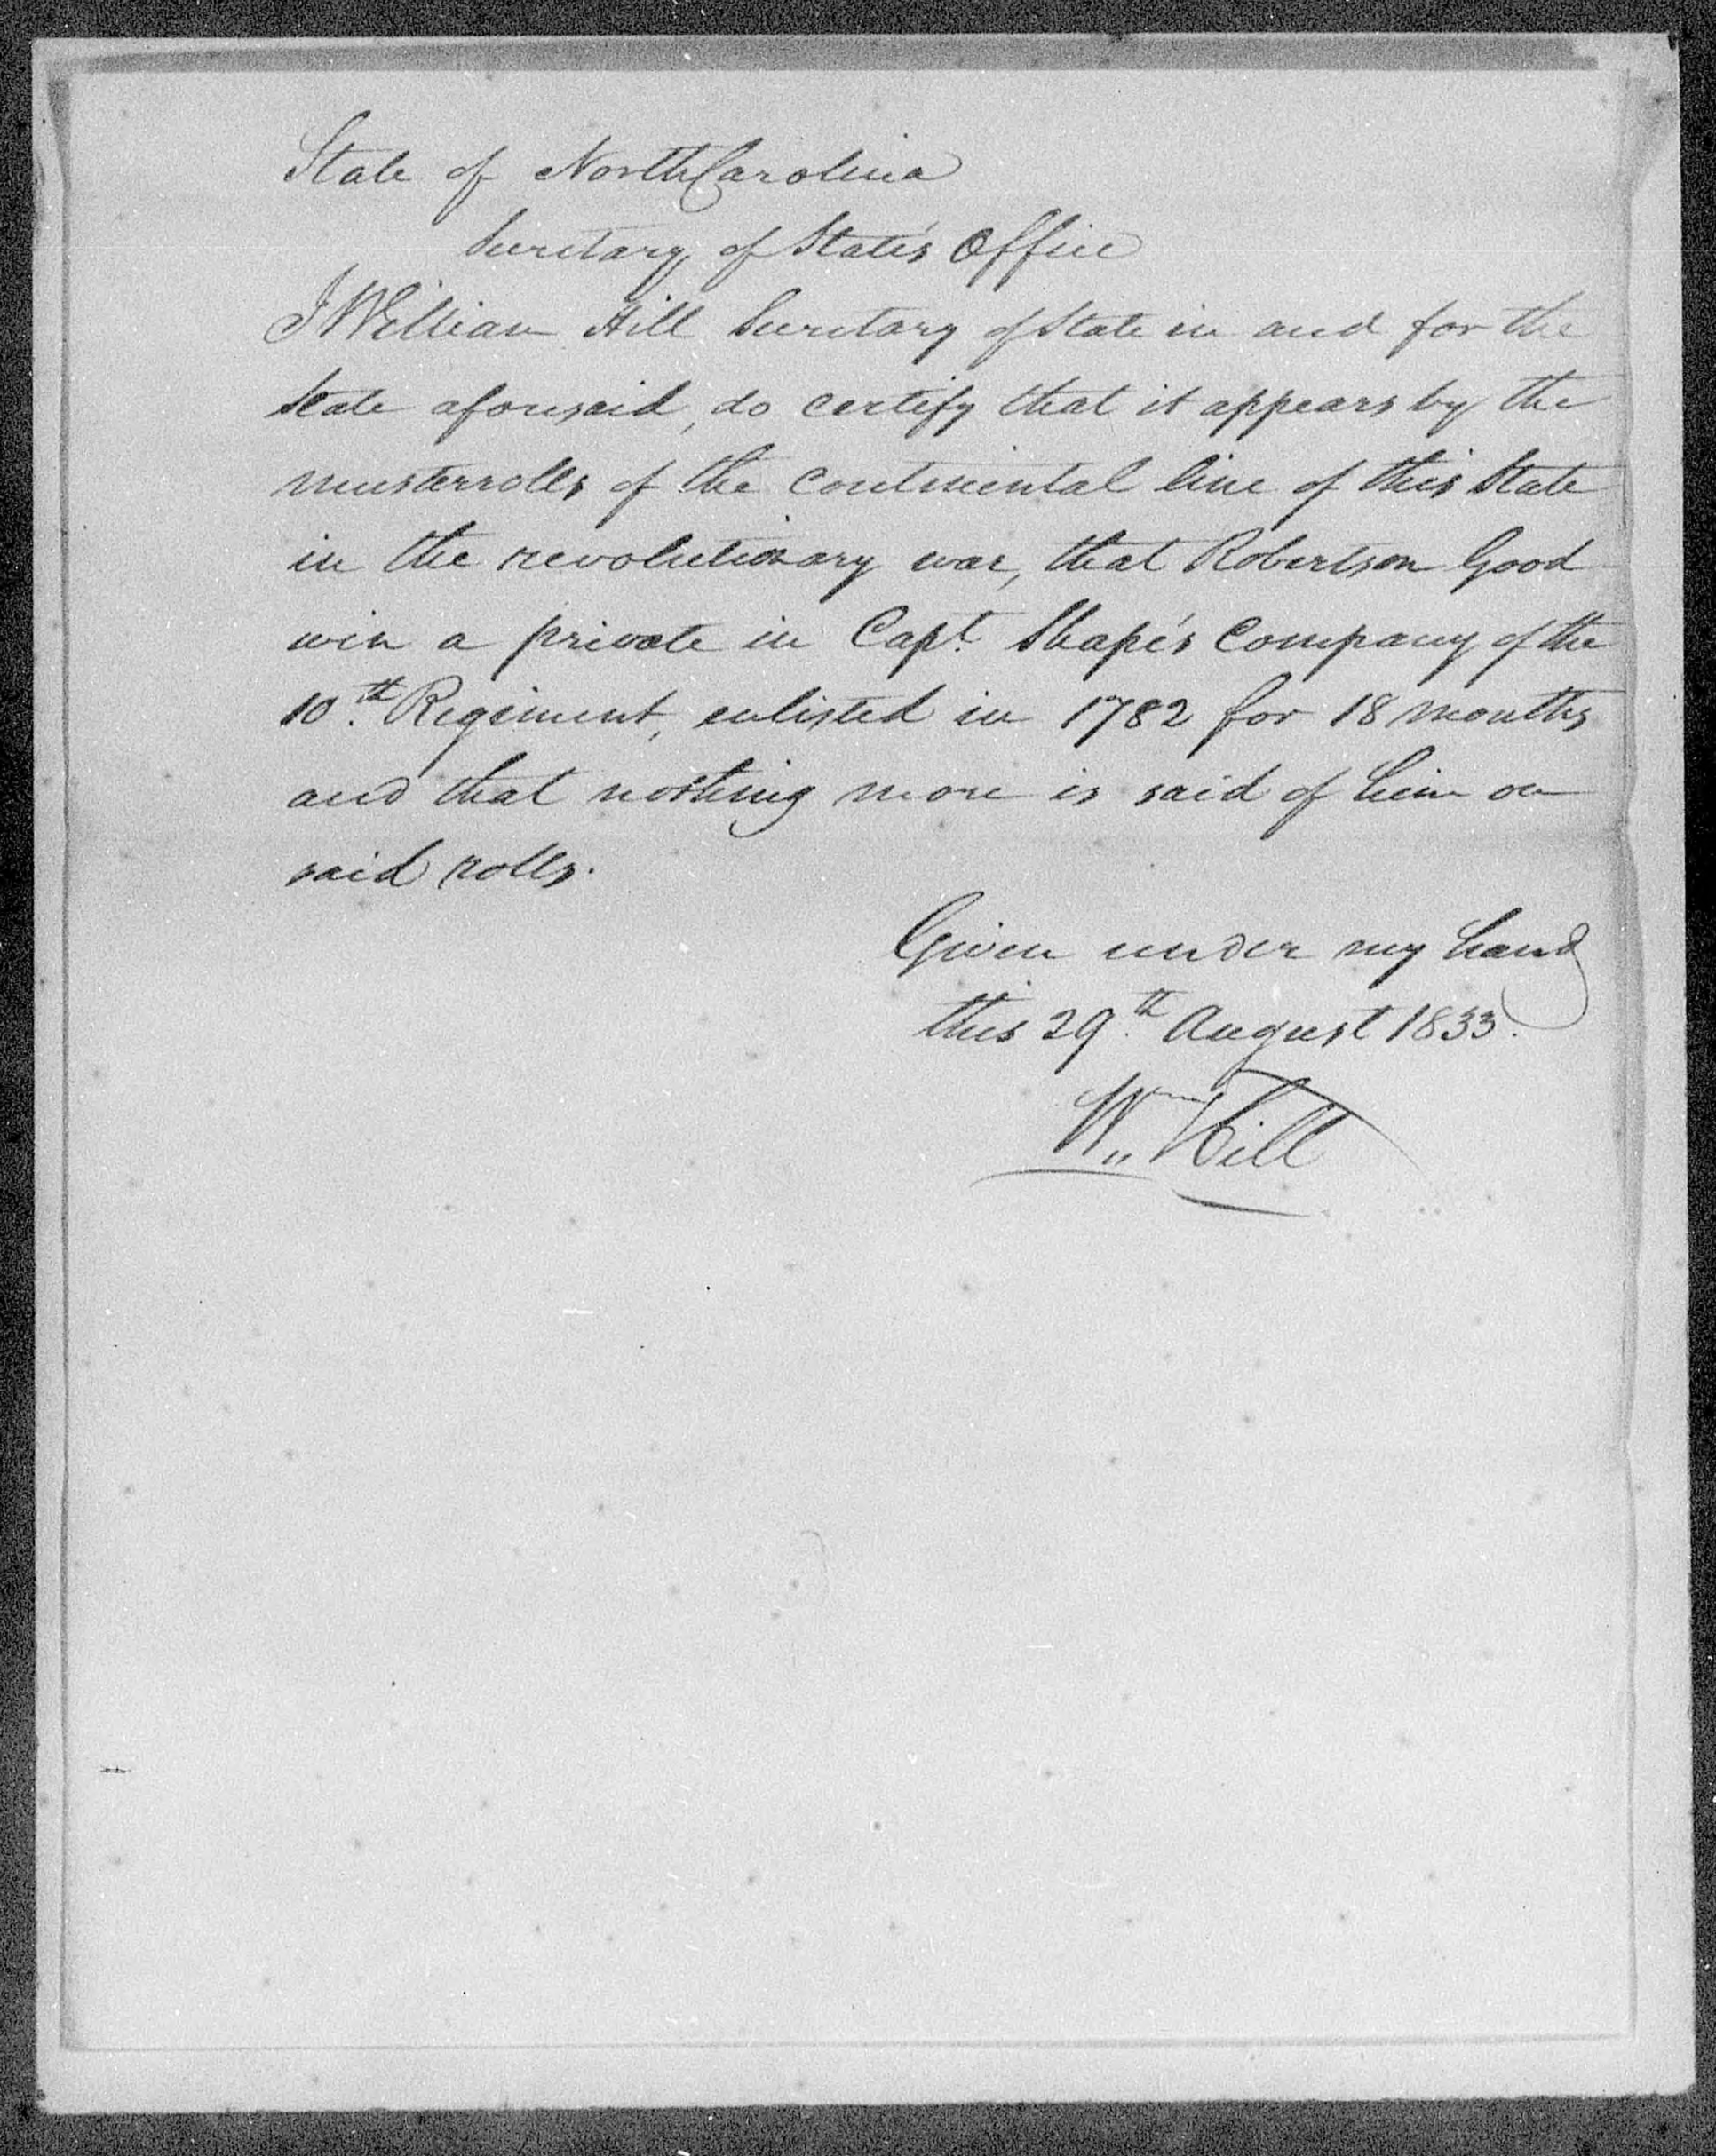State of North Carolina
Secretary of State's Office
I William Hill Secretary of State in and for the
State aforesaid, do certify that it appears by the
musterrolls of the continental line of this State
in the revolutionary war, that Robertson Good
was a private in Capt Shape's Company of the
10th Regiment enlisted in 1782 for 18 months
and that nothing more is said of him on
said rolls
Given under my hand
this 29th August 1833.
W Hill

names: Robertson Goodwin, W Hill, William Hill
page: 10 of 16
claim: survivor's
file: S. 6,894, Robison Goodwin, N.C.